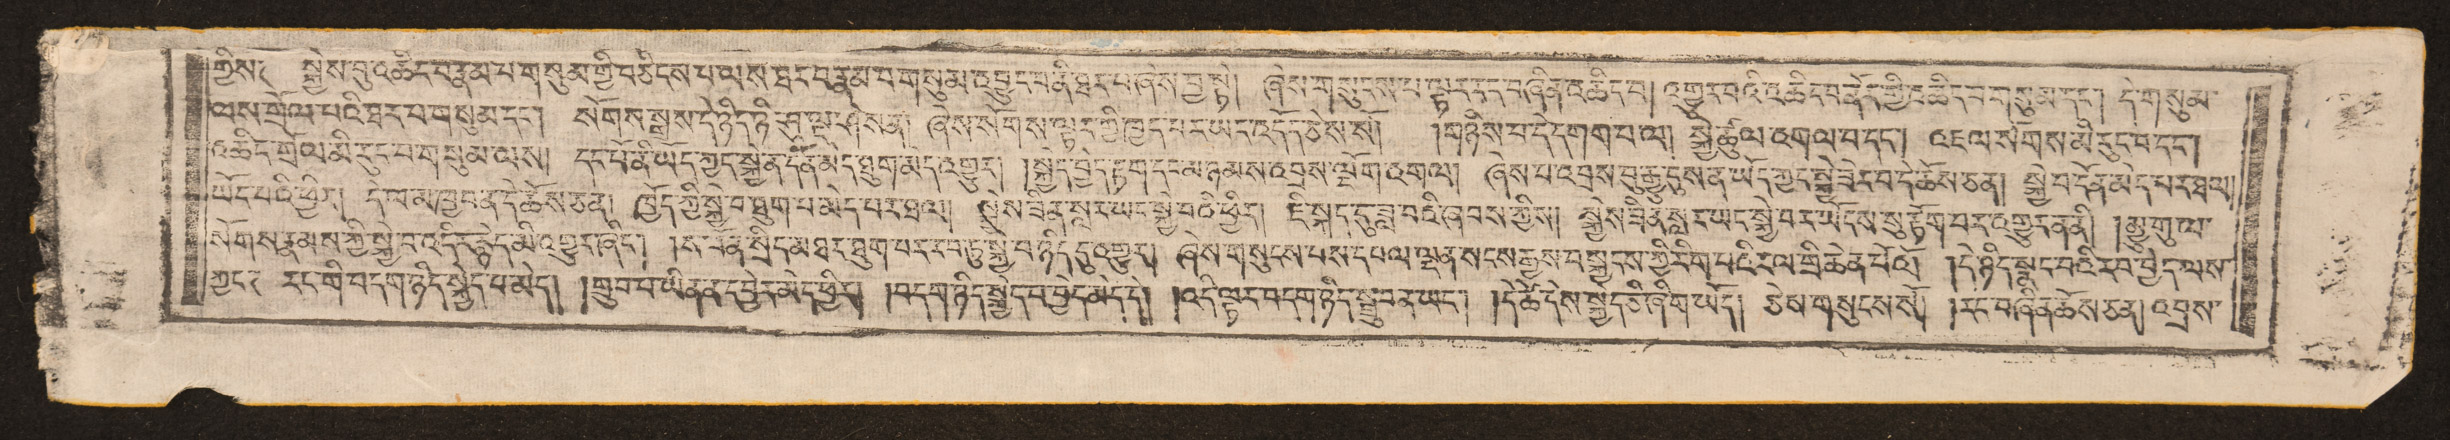གྱིས༑ སྐྱེས་བུ་འཆིང་བ་རྣམ་པ་གསུམ་གྱི་བཅིངས་པ་ལས་ཐར་བ་རྣམ་པ་གསུམ་འབྱུང་བ་ནི་ཐར་བཞེས་བྱ་སྟེ། ཞེས་གསུངས་པ་ལྟར་རང་བཞིན་འཆིང་བ། འགྱུར་བའི་འཆིང་བ་ནོར་གྱི་འཆིང་བ་གསུམ་དང་། དེ་གསུམ་
ལས་གྲོལ་པའི་ཐར་བ་གསུམ་དང་། སོགས་སྒྲས་དེ་ཉིད་ཉི་ཤུ་ལྔ་ཤེས་ན། ཞེས་སོགས་ལྟར་གྱི་ཁྱད་པར་ཡང་འདོད་ཅེས་སོ། །གཉིས་པ་དེ་དགག་པ་ལ། སྐྱེ་ཚུལ་འགལ་བ་དང་། འཇལ་སོགས་མི་རུང་བ་དང་།
འཆིང་གྲོལ་མི་རུང་པ་གསུམ་ལས། དང་པོ་ནི་ཡོད་ཀྱང་སྐྱོན་དོན་མེད་ཐུག་མེད་འགྱུར། །སྐྱེད་བྱེད་རྟག་དང་མཉམས་འབྲས་ལྡོག་འགལ། ཞེས་པ་འབྲས་བུ་རྒྱུ་དུས་ན་ཡོད་ཀྱང་སྐྱེ་ཟེར་བ་དེ་ཆོས་ཅན། སྐྱེ་བ་དོན་མེད་པར་ཐལ་
ཡོད་པའི་ཕྱིར། དེ་ལམ་ཁྱབ་ན་དེ་ཆོས་ཅན། ཁྱོད་ཀྱི་སྐྱེ་བ་ཐུག་པ་མེད་པར་ཐལ། སྐྱེས་ཟིན་སླར་ཡང་སྐྱེ་བའི་ཕྱིར། ཇི་སྐད་དུ་ཟླ་བའི་ཞབས་ཀྱིས། སྐྱེས་ཟིན་སླར་ཡང་སྐྱེ་བར་ཡོངས་སུ་རྟོག་པར་འགྱུར་ན་ནི། །མྱུ་གུ་ལ་
སོགས་རྣམས་ཀྱི་སྐྱེ་བ་འདིར་རྙེད་མི་འགྱུར་ཞིང་། །ས་བོན་སྲིད་མཐར་ཐུག་པར་རབ་ཏུ་སྐྱེ་བ་ཉིད་དུ་འགྱུར། ཞེས་གསུངས་པས་དཔལ་ལྡན་སངས་རྒྱས་བསྐྱངས་ཀྱི་རིག་པའི་རལ་གྲི་ཆེན་པོའོ། །དེ་ཉིད་སྣང་བའི་རབ་བྱེད་ལས་
ཀྱང༑ རང་གི་བདག་ཉིད་སྐྱེད་པ་མེད། །གྲུབ་པ་ཡིན་ན་དབྱེར་མེད་ཕྱིར། །བདག་ཉིད་སྐྱེད་བ་བྱེད་མེད་དེ། །འདི་ལྟར་བདག་ཉིད་སྒྲུབ་ན་ཡང་། །དེ་ཚེ་དེས་སྐྱོད་ཅི་ཞིག་ཡོད། ཅེས་གསུངས་སོ། །རང་བཞིན་ཆོས་ཅན། འབྲས་